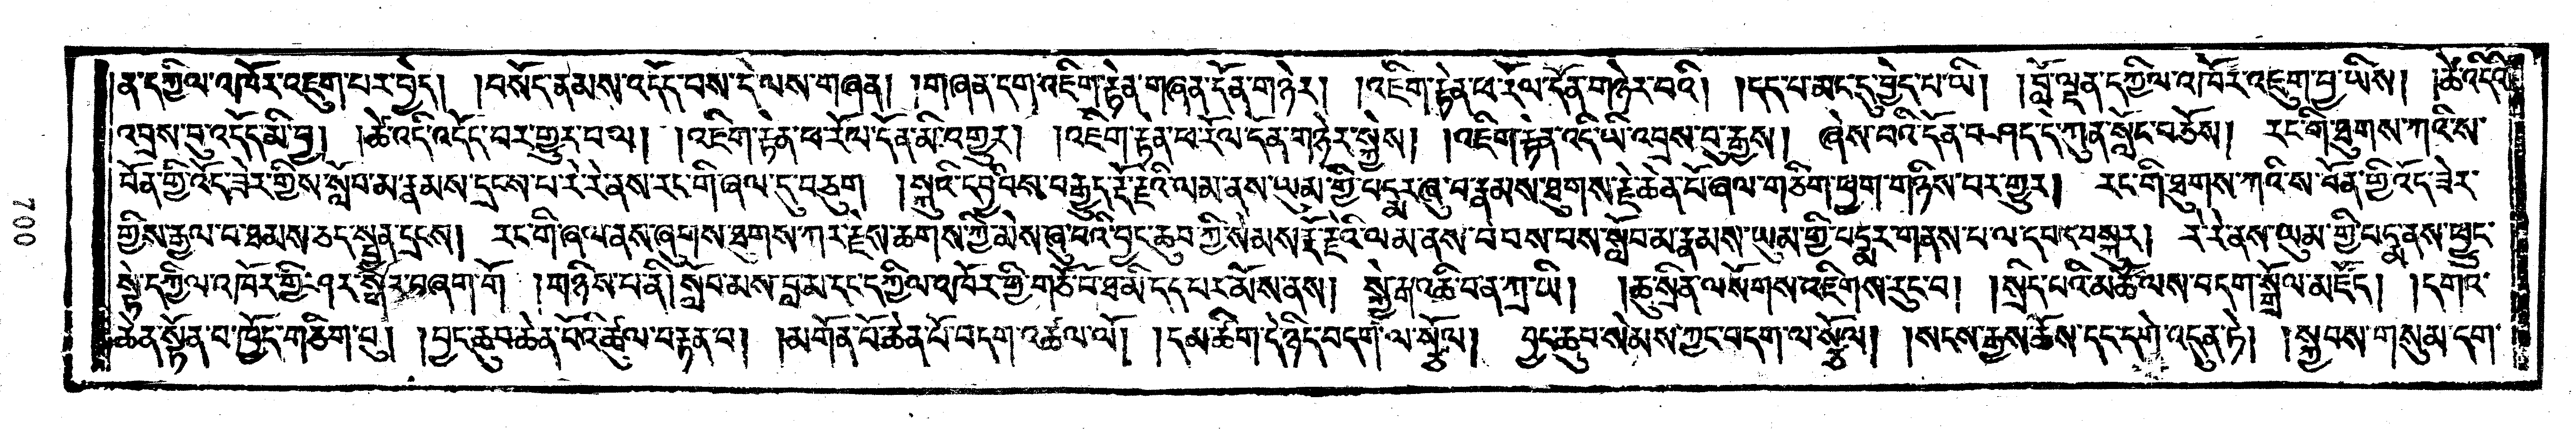ན་དཀྱིལ་འཁོར་འཇུག་པར་བྱེད། །བསོད་ནམས་འདོད་པས་དེ་ལས་གཞན། །གཞན་དག་འཇིག་རྟེན་གཞན་དོང་ཉེར། །འཇིག་རྟེན་ཕ་རོལ་དོན་གཉེར་བའི། །དད་པ་མང་དུ་བྱེད་པ་ཡི། །བླ་ལྡན་དཀྱིལ་འཁོར་འཇུག་བྱ་ཡིས། །ཚེ་འདིའི་
འབྲས་བུ་འདོད་མི་བྱ། །ཚེ་འདི་འདོད་པར་གྱུར་པ་ལ། །འཇིག་རྟེན་ཕ་རོལ་དོན་མི་འགྱུར། །འཇིག་རྟེན་ཕ་རོལ་དོན་གཉེར་སྐྱེས། །འཇིག་རྟེན་འདི་ཡི་འབྲས་བུ་རྒྱས། ཞེས་བའི་དོན་བཤད་དེ་ཀུན་སློང་བཅོས། རང་གི་ཐུགས་ཀའི་ས་
བོན་གྱི་འོད་ཟེར་གྱིས་སློབ་མ་རྣམས་དྲངས་པ་རེ་རེ་ནས་རང་གི་ཞལ་དུ་བཅུག །སྐུའི་དབྱིབས་བརྒྱུད་རྡོ་རྗེའི་ལམ་ནས་ཡུམ་གྱི་པདམར་ཞུ་བ་རྣམས་ཐུགས་རྗེ་ཆེན་པོ་ཞལ་གཅིག་ཕྱག་གཉིས་པར་གྱུར། རང་གི་ཐུགས་ཀའི་ས་བོན་གྱི་འོད་ཟེར་
གྱིས་རྒྱལ་བ་ཐམས་ཅད་སྤྱན་དྲངས། རང་གི་ཞལ་ནས་ཞུགས་ཐུགས་ཀར་རྗེས་ཆགས་ཀྱི་མེས་ཞུ་བའི་བྱང་ཆུབ་ཀྱི་སེམས་རྡོ་རྗེའི་ལམ་ནས་བབས་པས་སློབ་མ་རྣམས་ཡུམ་གྱི་པདམར་གནས་པ་ལ་དབང་བསྐུར། རེ་རེ་ནས་ཡུམ་གྱི་པདམ་ནས་ཕྱུང་
སྟེ་དཀྱིལ་འཁོར་གྱི་ཤར་སྒོར་བཞག་གོ །གཉིས་པ་ནི། སློབ་མས་བླ་མ་དང་དཀྱིལ་འཁོར་གྱི་གཙོ་བོ་ཐ་མི་དད་པར་མོས་ནས། སྐྱེ་རྒ་འཆི་བ་ན་ཀྲ་ཡི། །ཆུ་སྲིན་ལ་སོགས་འཇིགས་རུང་བ། །སྲིད་པིའ་མཚོ་ལས་བདག་སྒྲོལ་མཛོད། །དགའ་
ཆེན་སྟོན་པ་ཁྱོད་གཅིག་པུ། །བྱང་ཆུབ་ཆེན་པོའི་ཚུལ་བརྟན་པ། །མགོན་པོ་ཆེན་པོ་བདག་འཚལ་ལོ། །དམ་ཚིག་དེ་ཉིད་བདག་ལ་སྩོལ། བྱང་ཆུབ་སེམས་ཀྱང་བདག་ལ་སྩོལ། །སངས་རྒྱས་ཆོས་དང་དགེ་འདུན་ཏེ། །སྐྱབས་གསུམ་ད་